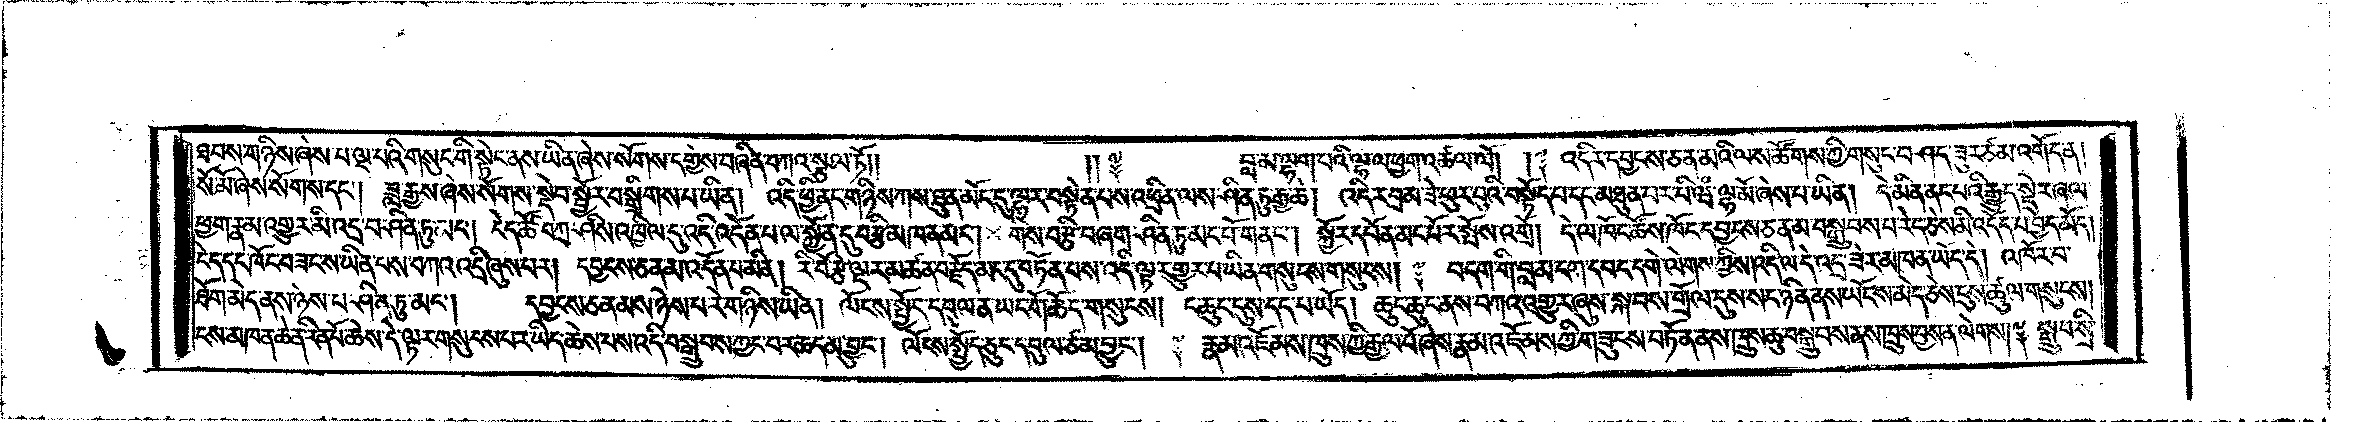ཐབས་གཉིས་ཞེས་པ་ལྔ་པའི་གསུང་གི་སྟེང་ནས་ཡིན་ཞེས་སོགས་དགྱེས་བཞིན་བཀའ་སྩལ་ཏོ།། ༈ །། ༈ བླ་མ་ལྷག་པའི་ལྷ་ལ་ཕྱག་འཚལ་ལོ། །༈ འདིར་དབྱངས་ཅན་མའི་ལས་ཚོགས་ཀྱི་གསུང་བཤད་ཟུར་ཙམ་འགོད་ན།
སོ་མོ་ཞེས་སོགས་དང་། ཟླ་རྒྱས་ཞེས་སོགས་སྡེབ་སྦྱོར་བསྒྲིགས་པ་ཡིན། འདི་ཕྱི་ནང་གཉིས་ཀས་ཐུན་མོང་དུ་ལྷར་བསྟེན་པས་འཕྲིན་ལས་ཤིན་ཏུ་རྒྱ་ཆེ། འདྲིར་བམ་ཟེར་ཕུར་བུའི་བསྟོད་བ་དང་མཐུན་པར་པིཝཾ་ལྷ་མོ་ཞེས་པ་ཡིན། དེ་མིན་ནང་པའི་རྒྱུད་སྡེར་ཞལ་
ཕྱག་རྣམ་འགྱུར་མི་འདྲ་བ་ཤིན་ཏུ་མང་། ངེད་ཚོ་བཀྲ་ཤིས་འཁྱིལ་དུ་འདི་འདོན་པ་ལ་སྐྱོན་དུ་བརྩི་མཁན་མང་། ྾་གིས་བརྩི་བཞག་ཤིན་ཏུ་མང་པོ་གནང་། སྐྱོར་དཔོན་མང་པོར་སྤོས་འགྲོ། དེ་ལ་ཁོང་ཚོས་ཁོང་དབྱངས་ཅན་མ་བསྒྲུབས་པ་རེད་ཅེས་མི་འདོད་པ་བྱེད་མོད།
ངེད་དང་ཁོང་བཟང་ས་ཡིན་པས་བཀའ་འདྲི་ཞུས་པར། དབྱངས་ཅན་མ་འདོན་པ་མིན། རི་བོ་རྩེ་ལྔར་མཚན་བརྗོད་མང་དུ་བཏོན་པས་འདི་ལྟར་གྱུར་པ་ཡིན་གསུངས་གསུངས། ༈ བདག་གི་བླ་མ་ངག་དབང་དགེ་ལེགས་ཀྱིས། འདི་ལ་དེ་འདྲ་ཟེར་མཁན་ཡོད་དེ། འཁོར་བ་
ཐོག་མེད་ནས་ཉེས་པ་ཤིན་ཏུ་མང་། དབྱངས་ཅན་མས་ཉེས་པ་རེ་གཉིས་ཡིན། ལོངས་སྤྱོད་དབུལ་ན་ཡང་གོ་ཆོད་གསུངས། ང་ཆུང་དུས་དད་པ་ཡོད། ཆུང་ཆུང་ནས་བཀའ་འགྱུར་ཞུས་སྐབས་གྲོལ་དུས་སང་ཉིན་ནས་ཡོངས་མེད་ཅེས་དུས་ཚུལ་གསུངས།
ངས་མཁན་ཆེན་རིན་པོ་ཆེས་དེ་ལྟར་གསུངས་པར་ཡིད་ཆེས་པས་འདི་བསྒྲུབས་ཀྱང་བར་ཆད་མ་བྱུང་། ལོངས་སྤྱོད་ཅུང་དབུལ་ཙམ་བྱུང་། ༈ རྣམ་འཇོམས་ཁྲུས་ཀྱི་རྒྱལ་པོ་ཞེས་རྣམ་འཇོམས་ཀྱི་གཟུངས་བཏོན་ནས་ཁྲུས་ཆུ་བསྒྲུབས་ནས་ཁྲུས་བྱས་ན་ལེགས། ༈ སྒྲུབ་སྲི་